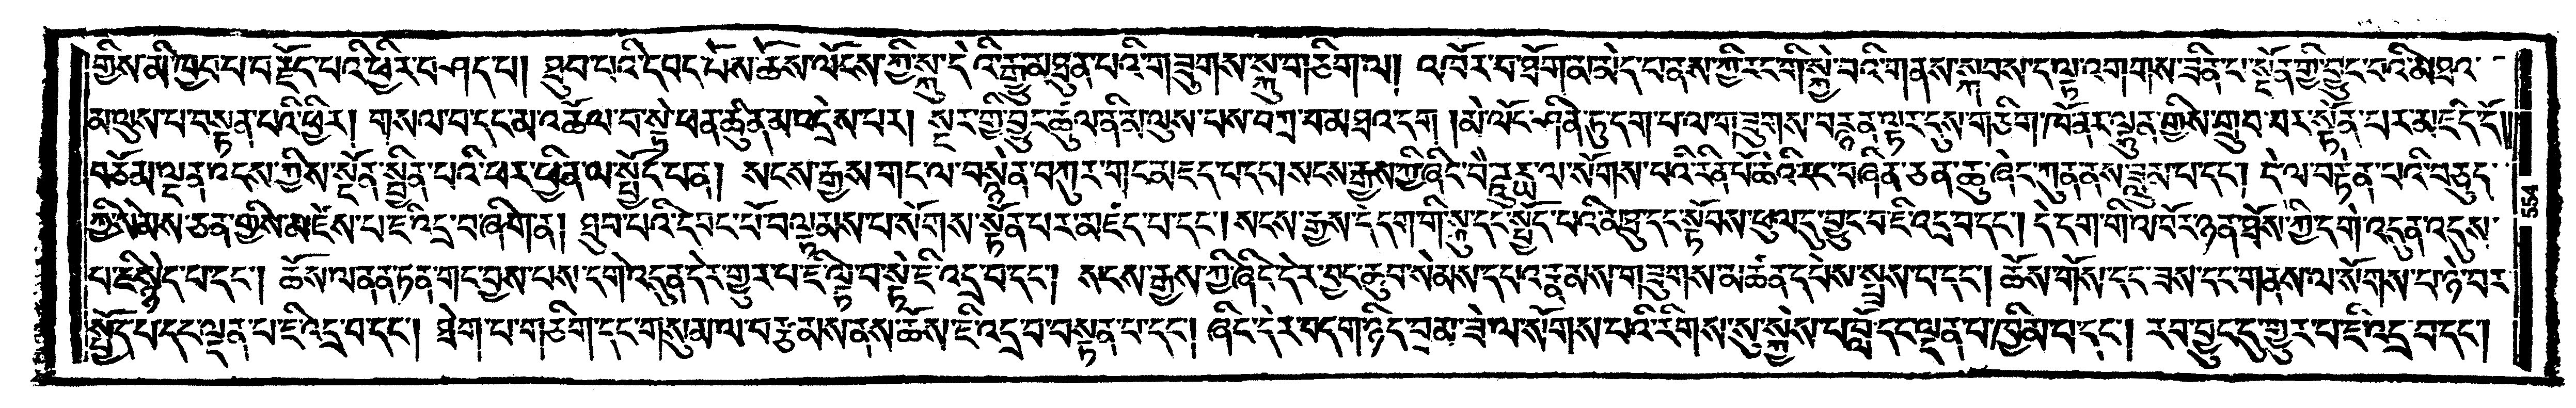གྱིས་མི་ཁྱབ་པ་བརྗོད་པའི་ཕྱིར་བཤད་པ། ཐུབ་པའི་དབང་པོས་ཆོས་ལོངས་ཀྱི་སྐུ་དེའི་རྒྱུ་མཐུན་པའི་གཟུགས་སྐུ་གཅིག་ལ། འཁོར་བ་ཐོག་མ་མེད་པ་ནས་ཀྱི་རང་གི་སྐྱེ་བའི་གནས་སྐབས་ད་ལྟ་འགགས་ཟིན་པ་སྔོན་གྱི་བྱུང་བའི་མཐའ་
མ་ལུས་པ་བསྟན་པའི་ཕྱིར། གསལ་བ་དང་མ་འཆོལ་བ་སྟེ་ཕན་ཚུན་མ་དྲེས་པར། སྔར་གྱི་བྱུང་ཚུལ་ནི་མ་ལུས་པས་བཀྲ་བ་མཐའ་དག །མེ་ལོང་ཤིན་ཏུ་དག་པ་ལ་གཟུགས་བརྙན་ལྟར་དུས་གཅིག་ཁོ་ནར་ལྷུན་གྱིས་གྲུབ་པར་སྟོན་པར་མཛད་དོ།།
བཅོམ་ལྡན་འདས་ཀྱིས་སྔོན་སྦྱིན་པའི་ཕར་ཕྱིན་ལ་སྤྱོད་པ་ན། སངས་རྒྱས་གང་ལ་བསྙེན་བཀུར་གང་མཛད་པ་དང་། སངས་རྒྱས་ཀྱི་ཞིང་བཻ་ཌཱུ་རྱ་ལ་སོགས་པའི་རིན་པོ་ཆེའི་རང་བཞིན་ཅན་ཆུ་ཞེང་ཀུན་ནས་ཟླུམ་པ་དང་། དེ་ལ་བརྟེན་པའི་བཅུད་
ཀྱི་སེམས་ཅན་གྱིས་མཛེས་པ་ཇི་འདྲ་བ་ཞིག་ན། ཐུབ་པའི་དབང་པོ་བལྟམས་པ་སོགས་སྟོན་པར་མཛད་པ་དང་། སངས་རྒྱས་དེ་དག་གི་སྐུ་དང་སྤྱོད་པའི་མཐུ་དང་སྟོབས་ཕུལ་དུ་བྱུང་བ་ཇི་འདྲ་བ་དང་། དེ་དག་གི་འཁོར་ཉན་ཐོས་ཀྱི་དགེ་འདུན་འདུས་
པ་ཇི་སྙེད་པ་དང་། ཆོས་ལ་ནན་ཏན་གང་བྱས་པས་དགེ་འདུན་དེར་གྱུར་པ་ཇི་ལྟ་བ་སྟེ་ཇི་འདྲ་བ་དང་། སངས་རྒྱས་ཀྱི་ཞིང་དེར་བྱང་ཆུབ་སེམས་དཔའ་རྣམས་གཟུགས་མཚན་དཔེས་སྤྲས་པ་དང་། ཆོས་གོས་དང་ཟས་དང་གནས་ལ་སོགས་པ་ཉེ་བར་
སྤྱོད་པ་དང་ལྡན་པ་ཇི་འདྲ་བ་དང་། ཐེག་པ་གཅིག་དང་གསུམ་ལ་བརྩམས་ནས་ཆོས་ཇི་འདྲ་བ་བསྟན་པ་དང་། ཞིང་དེར་བདག་ཉིད་བྲམ་ཟེ་ལ་སོགས་པའི་རིགས་སུ་སྐྱེས་པ་བློ་དང་ལྡན་པ་ཁྱིམ་པ་དང་། རབ་བྱུང་དུ་གྱུར་པ་ཇི་འདྲ་བ་དང་།